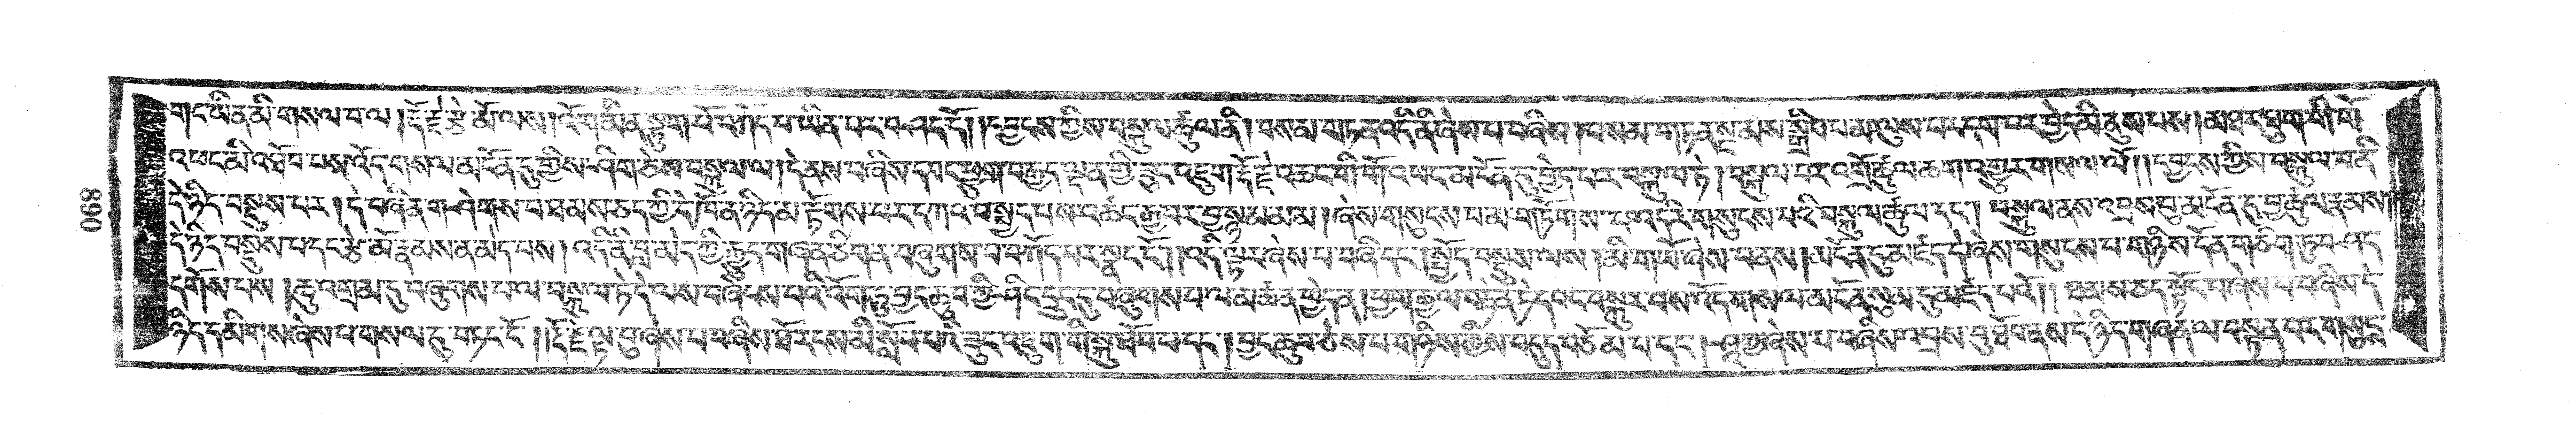གང་ཡིན་མི་གསལ་བ་ལ། རྡོ་རྗེ་རྩེ་མོ་ལས། འོག་མིན་སྟུག་པོ་བཀད་པ་ཡིན་པར་བཤད་དོ། །དབྱངས་ཀྱིས་བསྐུལ་ཚུལ་ནི། བསམ་གཏན་འདི་ནི་ཞེས་པ་བཞིས། བསམ་གཏན་སྔ་མས་སྒྲིབ་པ་མ་ལུས་པར་དག་པར་བྱེད་མི་ནུས་པས། མཐར་ཐུག་གི་གོ་
འཕང་མི་འཐོབ་པས་འོད་གསལ་མངོན་དུ་གྱིས་ཤིག་ཅེས་བསྐུལ་ལ། དེ་ནས་བཞིས་དབང་ཕྱུག་བརྒྱད་ལྡན་གྱི་ཟུང་འཇུག་རྡོ་རྗེ་འཆང་གི་གོ་འཕང་མངོན་དུ་བྱེད་པར་བསྐུལ་ཏེ། བསྐུལ་བར་འགྲོ་ཚུལ་ཆག་འགྱུར་གསལ་ལོ། །དབྱངས་ཀྱིས་བསྐུལ་བ་ནི་
དེ་ཉིད་བསྡུས་པར། དེ་བཞིན་གཤེགས་པ་ཐམས་ཅད་ཀྱི་དེ་ཁོ་ན་ཉིད་མ་རྟོགས་པར་དཀའ་བ་སྤྱད་པས་འཚང་རྒྱ་བར་བྱ་སྙམ་མམ། ཞེས་གསུངས་པ་མ་གཏོགས་པ་འདིར་གསུངས་པའི་བསྐུལ་ཚུལ་དང་། བསྐུལ་ནས་འབྲས་བུ་མངོན་དུ་བྱ་ཚུལ་རྣམས།
དེ་ཉིད་བསྡུས་པ་དང་རྩེ་མོ་རྣམས་ན་མེད་པས། འདི་ན་བླ་མེད་ཀྱི་རྒྱུད་གཞན་ཅིག་ན་བཞུགས་པ་བཀོད་པར་སྣང་ངོ། །འདི་ལྟར་ཞེས་པ་བཞི་དང་། སྤྱོད་བསྡུས་ལས། མི་གཡོ་ཞེས་པ་ནས། མངོན་དུ་མཛད་དེ་ཞེས་གསུངས་པ་གཉིས་དོན་གཅིག་ཏུ་བཤད་
དགོས་པས། ཆུ་འགྲམ་དུ་བཞུགས་པ་ལ་བསྐུལ་ཏེ་དེ་ལས་བཞེངས་པའི་འོག་ཏུ་བྱང་ཆུབ་ཀྱི་ཤིང་དྲུང་དུ་བཞུགས་པ་ལ་མཚན་ཕྱེད་ན། ཕྱག་རྒྱ་ལ་བརྟེན་ཏེ་དབང་བསྐུར་བས་འོད་གསལ་མངོན་སུམ་དུ་མཛད་པའོ། །ཐམས་ཅད་སྟོང་པ་ཞེས་པ་བཞིས་དེ་
ཉིད་དམིགས་ཞེས་པ་གསལ་དུ་བཏང་ངོ། །རྡོ་རྗེ་ལྟ་བུ་ཞེས་པ་བཞིས་ཐོ་རངས་མི་སློབ་པའི་ཟུང་འཇུག་གི་སྐུ་ཐོབ་པ་དང་། བྱང་ཆུབ་ཅེས་པ་གཉིས་ཀྱིས་བདུད་བཅོམ་པ་དང་། ཤཱཀྱ་ཞེས་པ་བཞིས་འབྲས་བུ་ཐོབ་ནས་དེ་ཉིད་གཞན་ལ་བསྟན་པར་གསུངས།